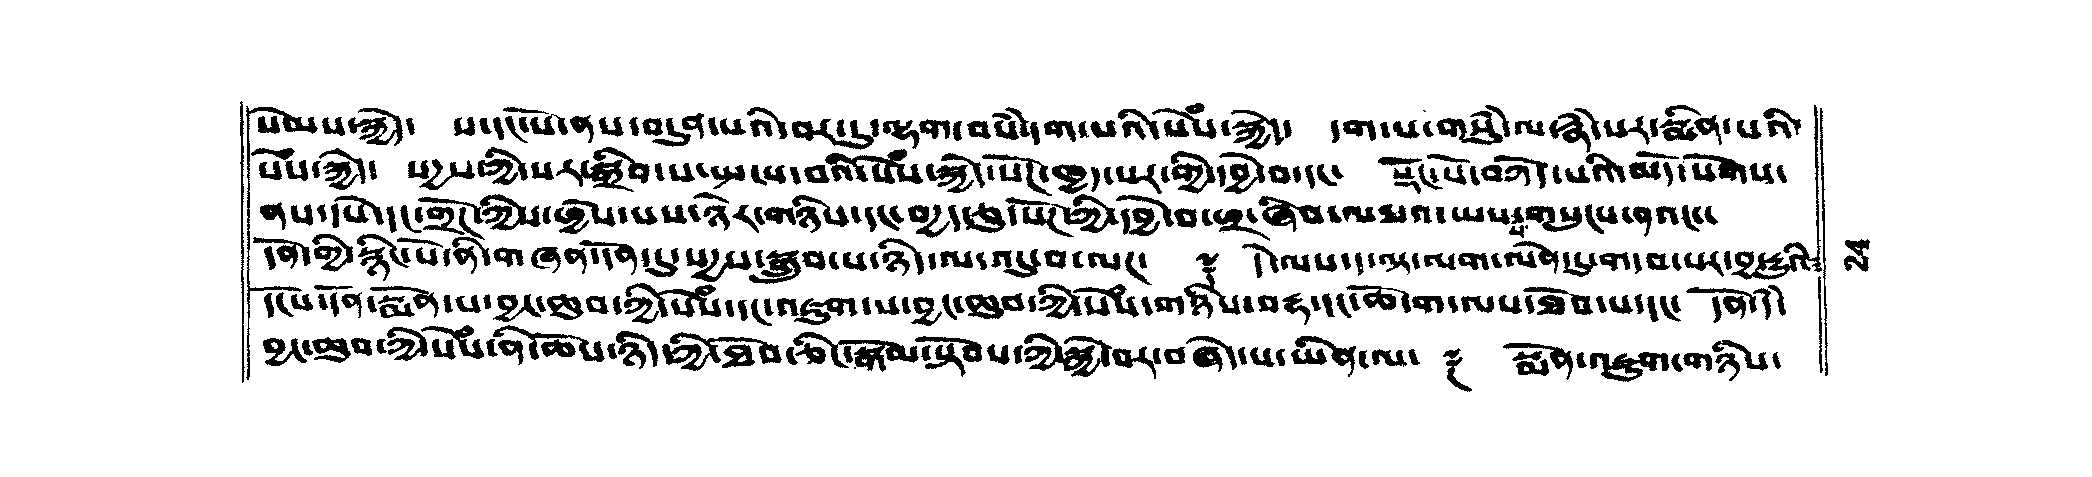སེམས་སྐྱེད། ས་དང་པོ་ནས་བདུན་པའི་བར་དུ་ལྷག་བསམ་དག་པའི་སེམས་སྐྱེད། དག་པ་གསུམ་ལ་རྣམ་པར་སྨིན་པའི་
སེམས་སྐྱེད། སངས་རྒྱས་ཀྱི་སར་སྒྲིབ་པ་སྤངས་བའི་སེམས་སྐྱེད་སོགས་ཁྱད་པར་གྱི་དབྱེ་བ་དང་། སྡོང་པོ་བཀོད་པའི་མོད་སོགས་
ནས་དཔེ་དང་གྲོགས་ཀྱིས་ཕྱེས་པས་ཉེར་གཉིས་དང་བརྒྱད་ཅུ་སོགས་ཀྱི་དབྱེད་བ་ཕྲ་ཞིབ་མཐའ་ཡས་པ་གསུངས་ནའང་། 
དོན་གྱི་སྙིང་པོ་ནི་གཞན་དོན་དུ་སངས་རྒྱས་སྒྲུབ་པ་ཉིད་ལ་འདུ་བ་ལགས། ༈ དེ་ལས་ད་ལྟར་ལག་ལེན་དུ་གདབ་པར་བྱ་རྒྱུའི་
དངོས་དོན་སྨོན་པ་བྱང་ཆུབ་ཀྱི་སེམས་དང་འཇུག་པ་བྱང་ཆུབ་ཀྱི་སེམས་གཉིས་བརྡ་དང་ཆོ་ག་ལས་ཐོབ་པ་དང་། དོན་དམ་
བྱང་ཆུབ་ཀྱི་སེམས་ནི་ཆོས་ཉིད་ཀྱི་ཐོབ་ཅིང་སྒོམ་སྟོབས་ཀྱི་སྐྱེ་བར་བཞེད་པ་ཡིན་ལ། ༈ སྨོན་འཇུག་གཉིས་